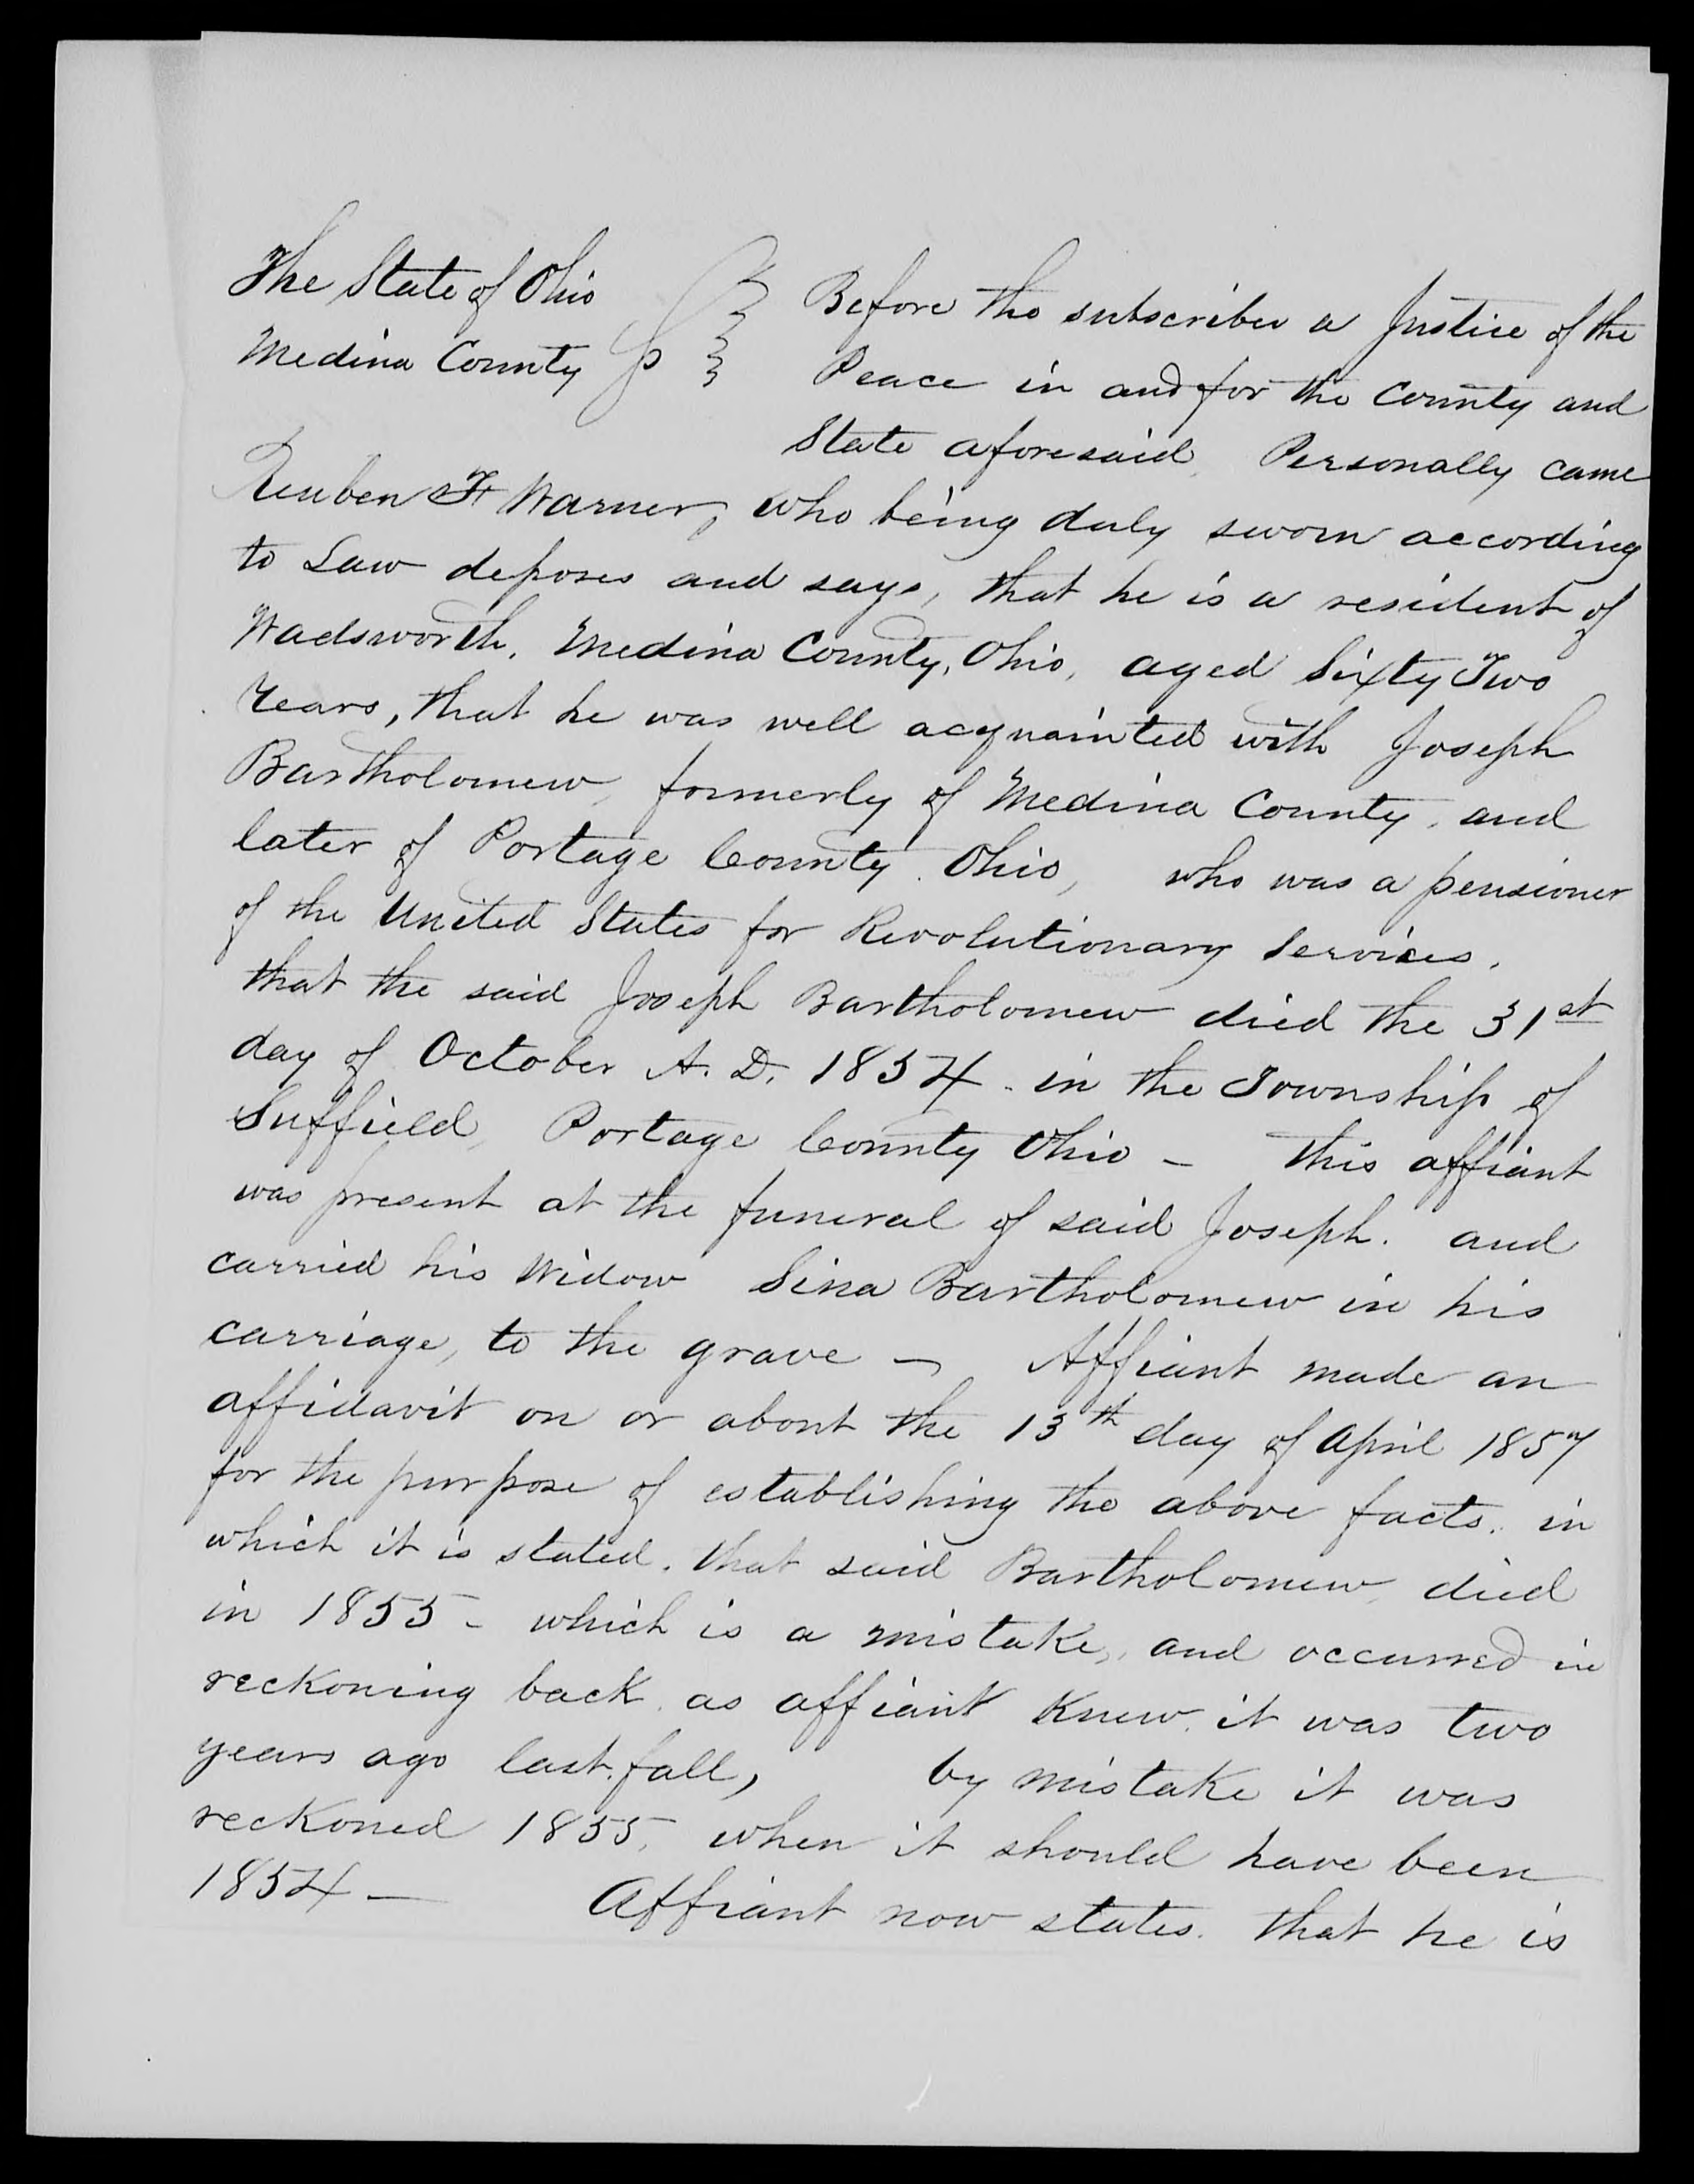The State of Ohio }
Medina County } SS

Before the subscriber a Justice of the
Peace in and for the County and State aforesaid personally came Reuben F. Warner, who being duly sworn according to Law deposes and says, that he is a resident of
Wadsworth, Medina County, Ohio, aged Sixty Two years, that he was well acquainted with Joseph Bartholomew, formerly of Medina County, and later of Portage County Ohio, who was a pensioner of the United States for Revolutionary services.  that the said Joseph Bartholomew died the 31st day of October A.D. 1854 in the Township of Suffield, Portage County Ohio - This affiant was present at the funeral of said Joseph and carried his widow Sina Bartholomew in his carriage, to the grave - Affiant made an affidavit on or about the 13th day of April 1857 for the purpose of establishing the above facts, in which it is stated, that said Bartholomew died in 1855 - which is a mistake, and occurred in reckoning back as affiant knew it was two years ago last fall, by mistake it was reckoned 1855, when it should have been 1854 - Affiant now states that he is
1854 -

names: Bartholomew, Joseph, Joseph Bartholomew, Joseph Bartholomew, Sina Bartholomew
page: 30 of 76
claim: widow's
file: W. 9345, Joseph Bartholomew, Conn.